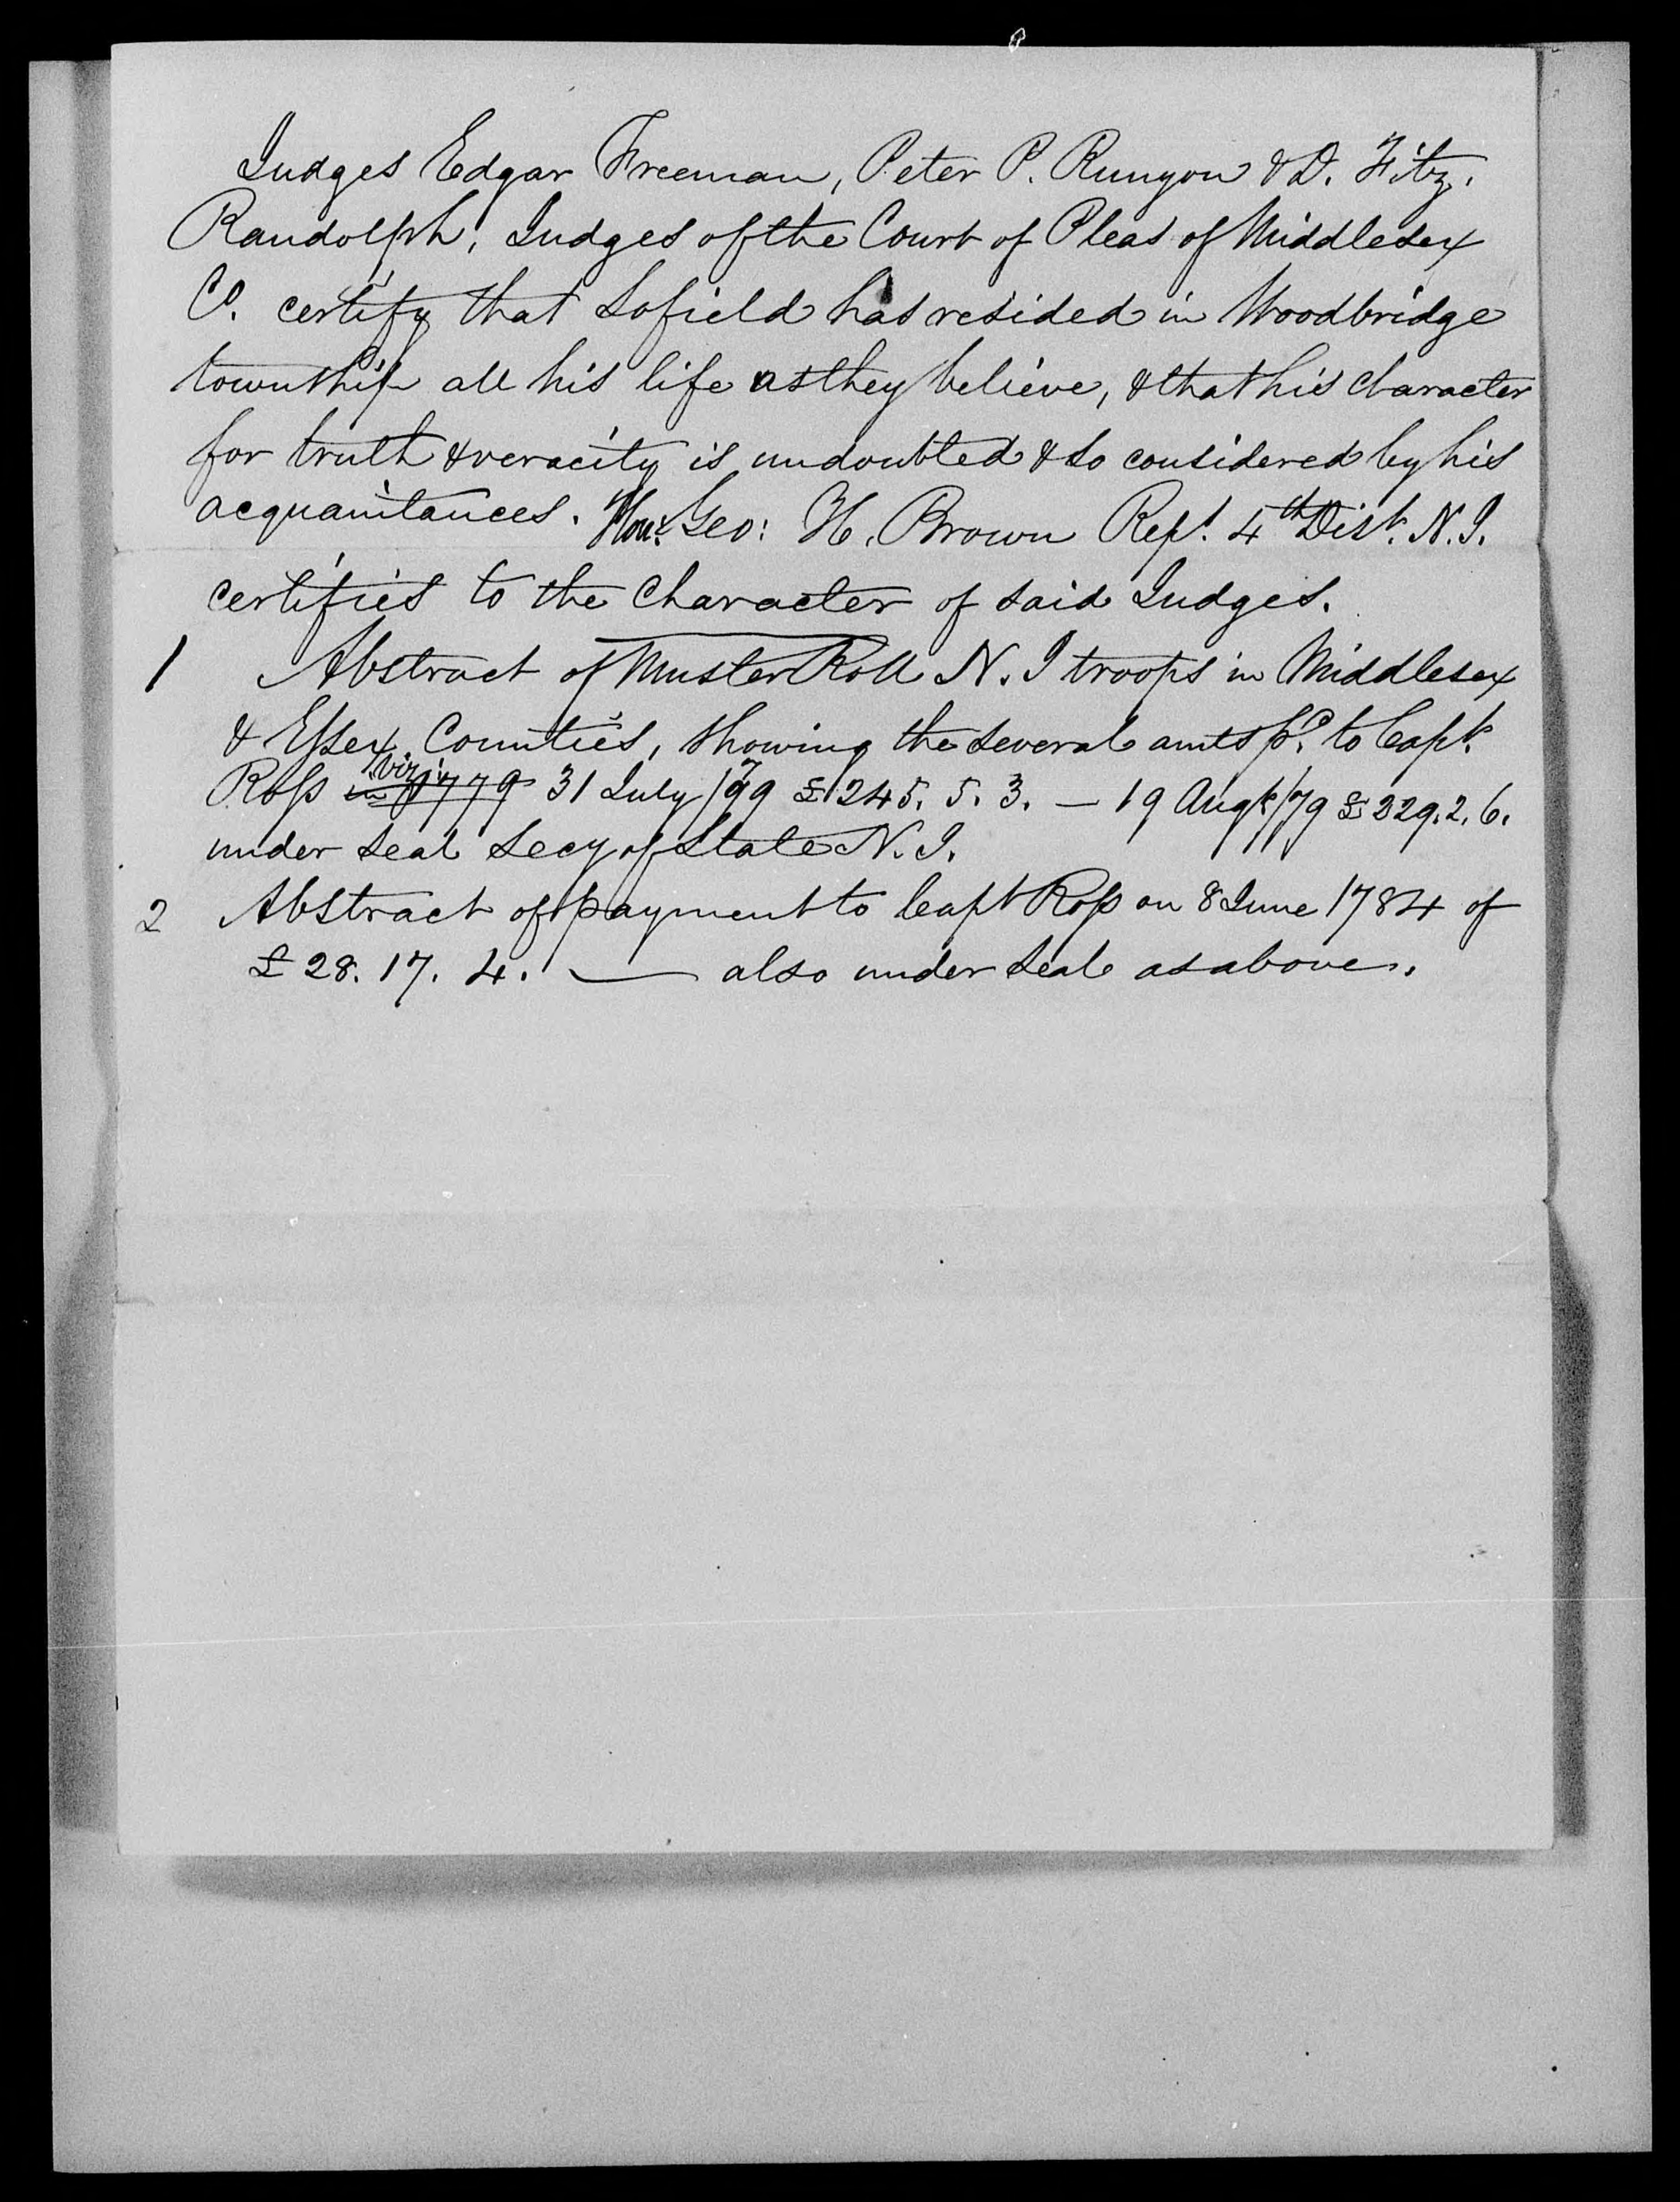Judges Edgar Freeman, Peter P. Runyon & D. Fitz Randolph, Judges of the Court of Pleas of Middlesex Co. certify that Sofield has resided in Woodbridge Township all his life as they believe, & that his character for truth & veracity is undoubted & so considered by his acquaintances. 

Hon. Geo. H. Brown, Rep(resentative) 4th Dist(rict) N.J., certifies to the character of said Judges.

1. Abstract of Muster Roll, N.J. troops in Middlesex & Essex Counties, showing the several amts. p(ai)d to Capt. Ross [crossed out: in 779] Viz.: 31 July /'79 £245.5.3. 19 Aug./'79 £329.2.6, under seal, Sec. of State N.J.

2. Abstract of payment to Capt. Ross on 8 June 1784 of £28.17.4. - also under seal as above.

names: Edgar Freeman; Peter P Runyon; D Fitz Randolph; [BLANK] Ross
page: 85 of 95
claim: survivor's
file: S 2889, for Levi Mundy, New Jersey